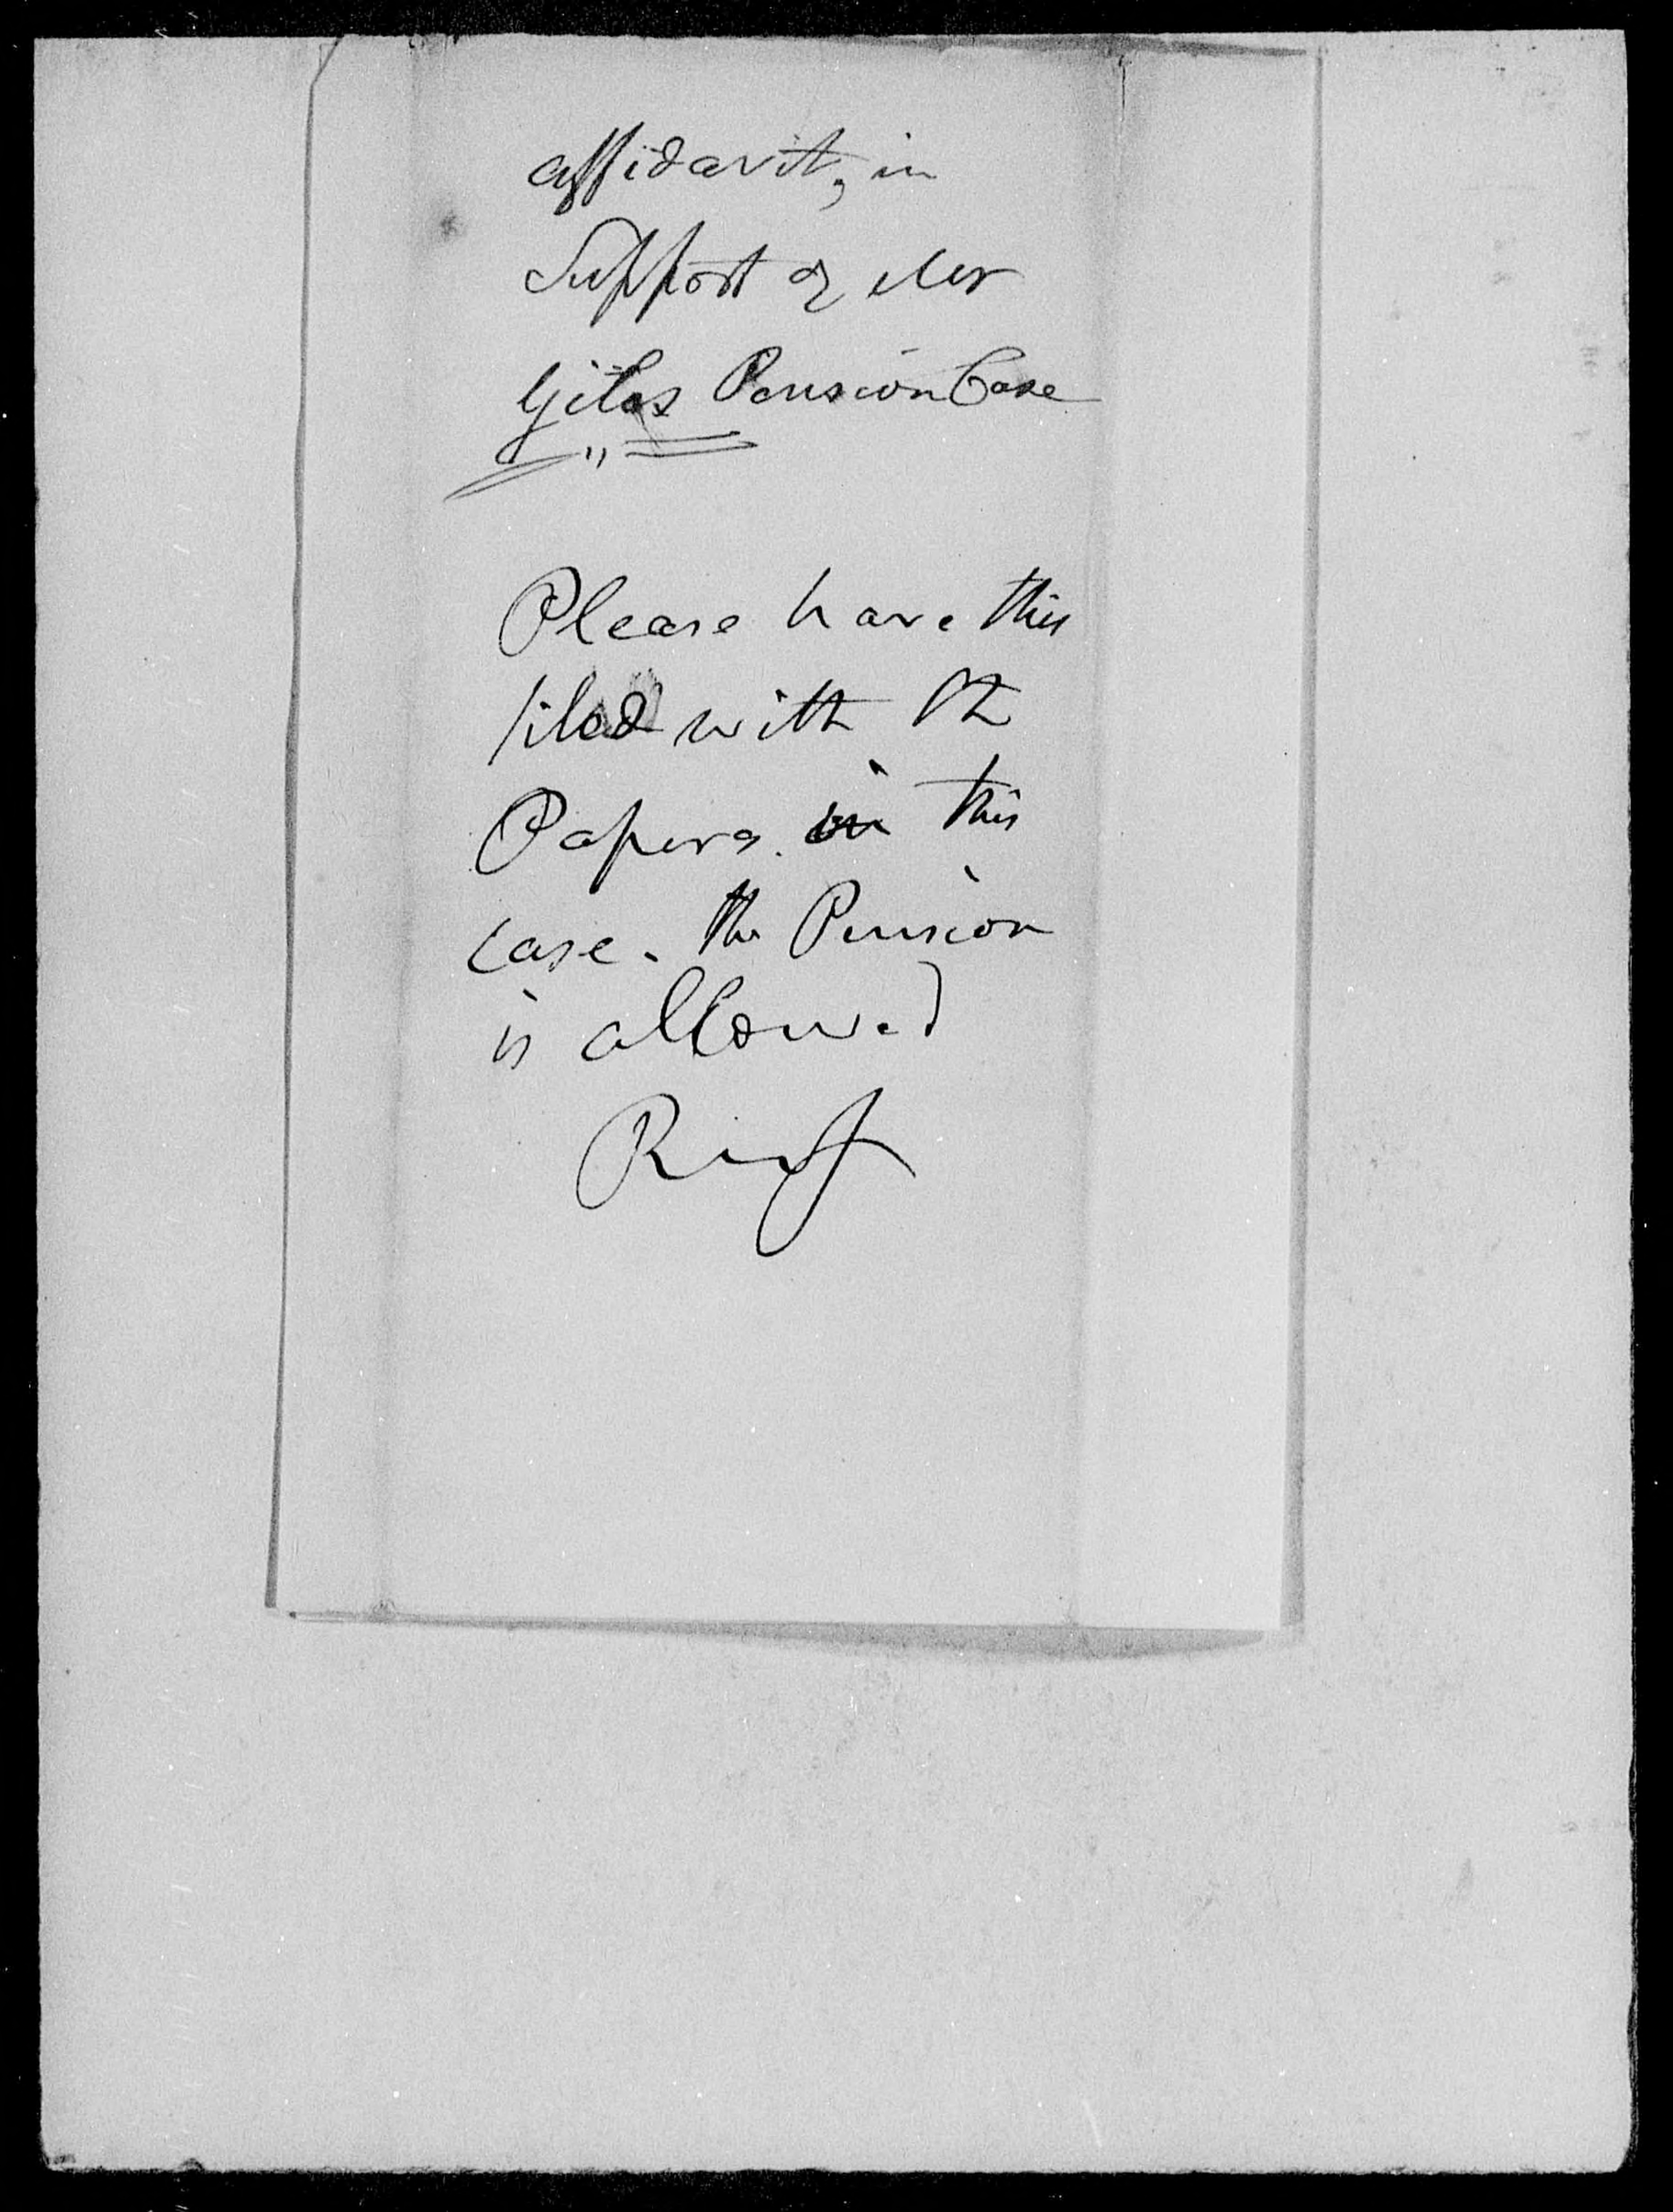affidavit, in
Support of John Giles
Pension Case
Please have this filed with other Papers in this Case. the Pension is allowed.
Ref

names: Giles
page: 74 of 82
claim: widow's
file: W. 7,522, John Giles, N.C.